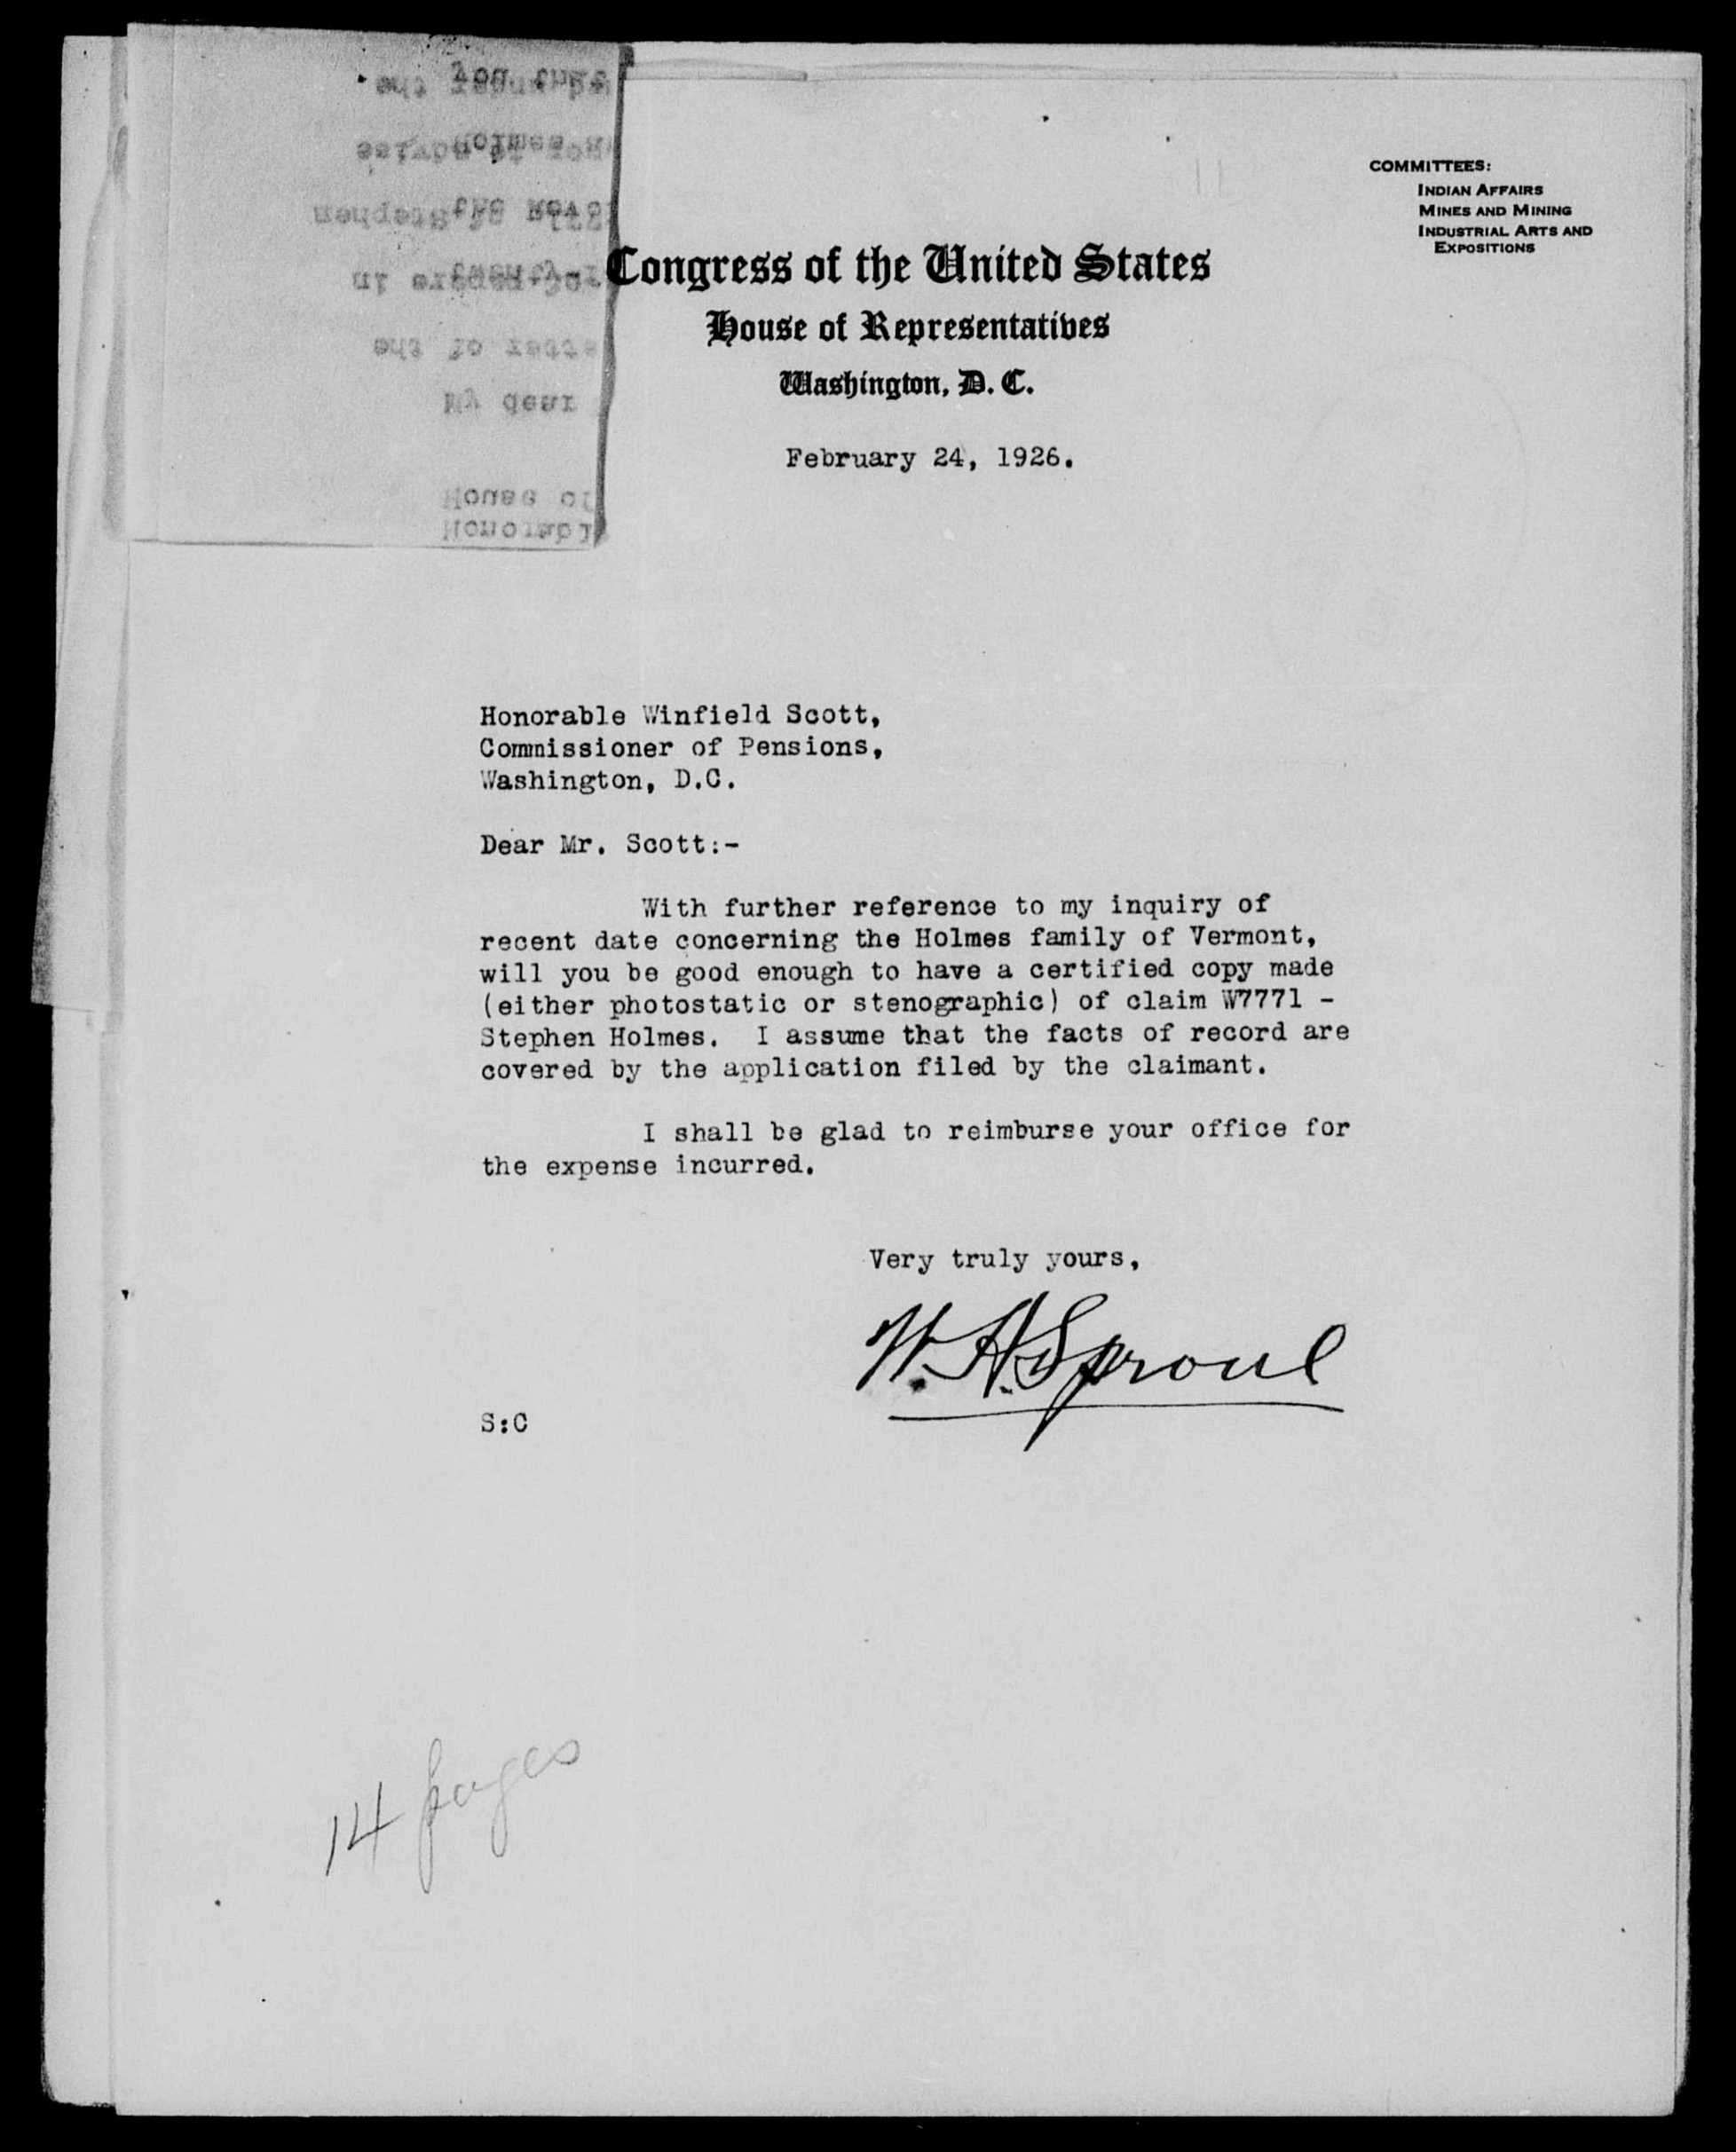COMMITTEES:
INDIAN AFFAIRS
MINES AND MINING
INDUSTRIAL ARTS AND EXPOSITIONS

Congress of the United States
House of Representatives
Washington, D. C.
February 24, 1926

Honorable Winfield Scott,
Commissioner of Pensions,
Washington, D. C.

Dear Mr. Scott:-

With further reference to my inquiry of recent date concerning the Holmes family of Vermont, will you be good enough to have a certified copy made (either photostatic or stenographic) of claim W7771 - Stephen Holmes. I assume that the facts of record are covered by the application filed by the claimant.

I shall be glad to reimburse your office for the expense incurred.

Very truly yours,
W. H. Sproul

S:C

14 pages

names: W H Sproul, Holmes, Winfield Scott, Stephen Holmes, Scott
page: 67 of 72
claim: widow's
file: W. 7771, Stephen Holmes, Vt.